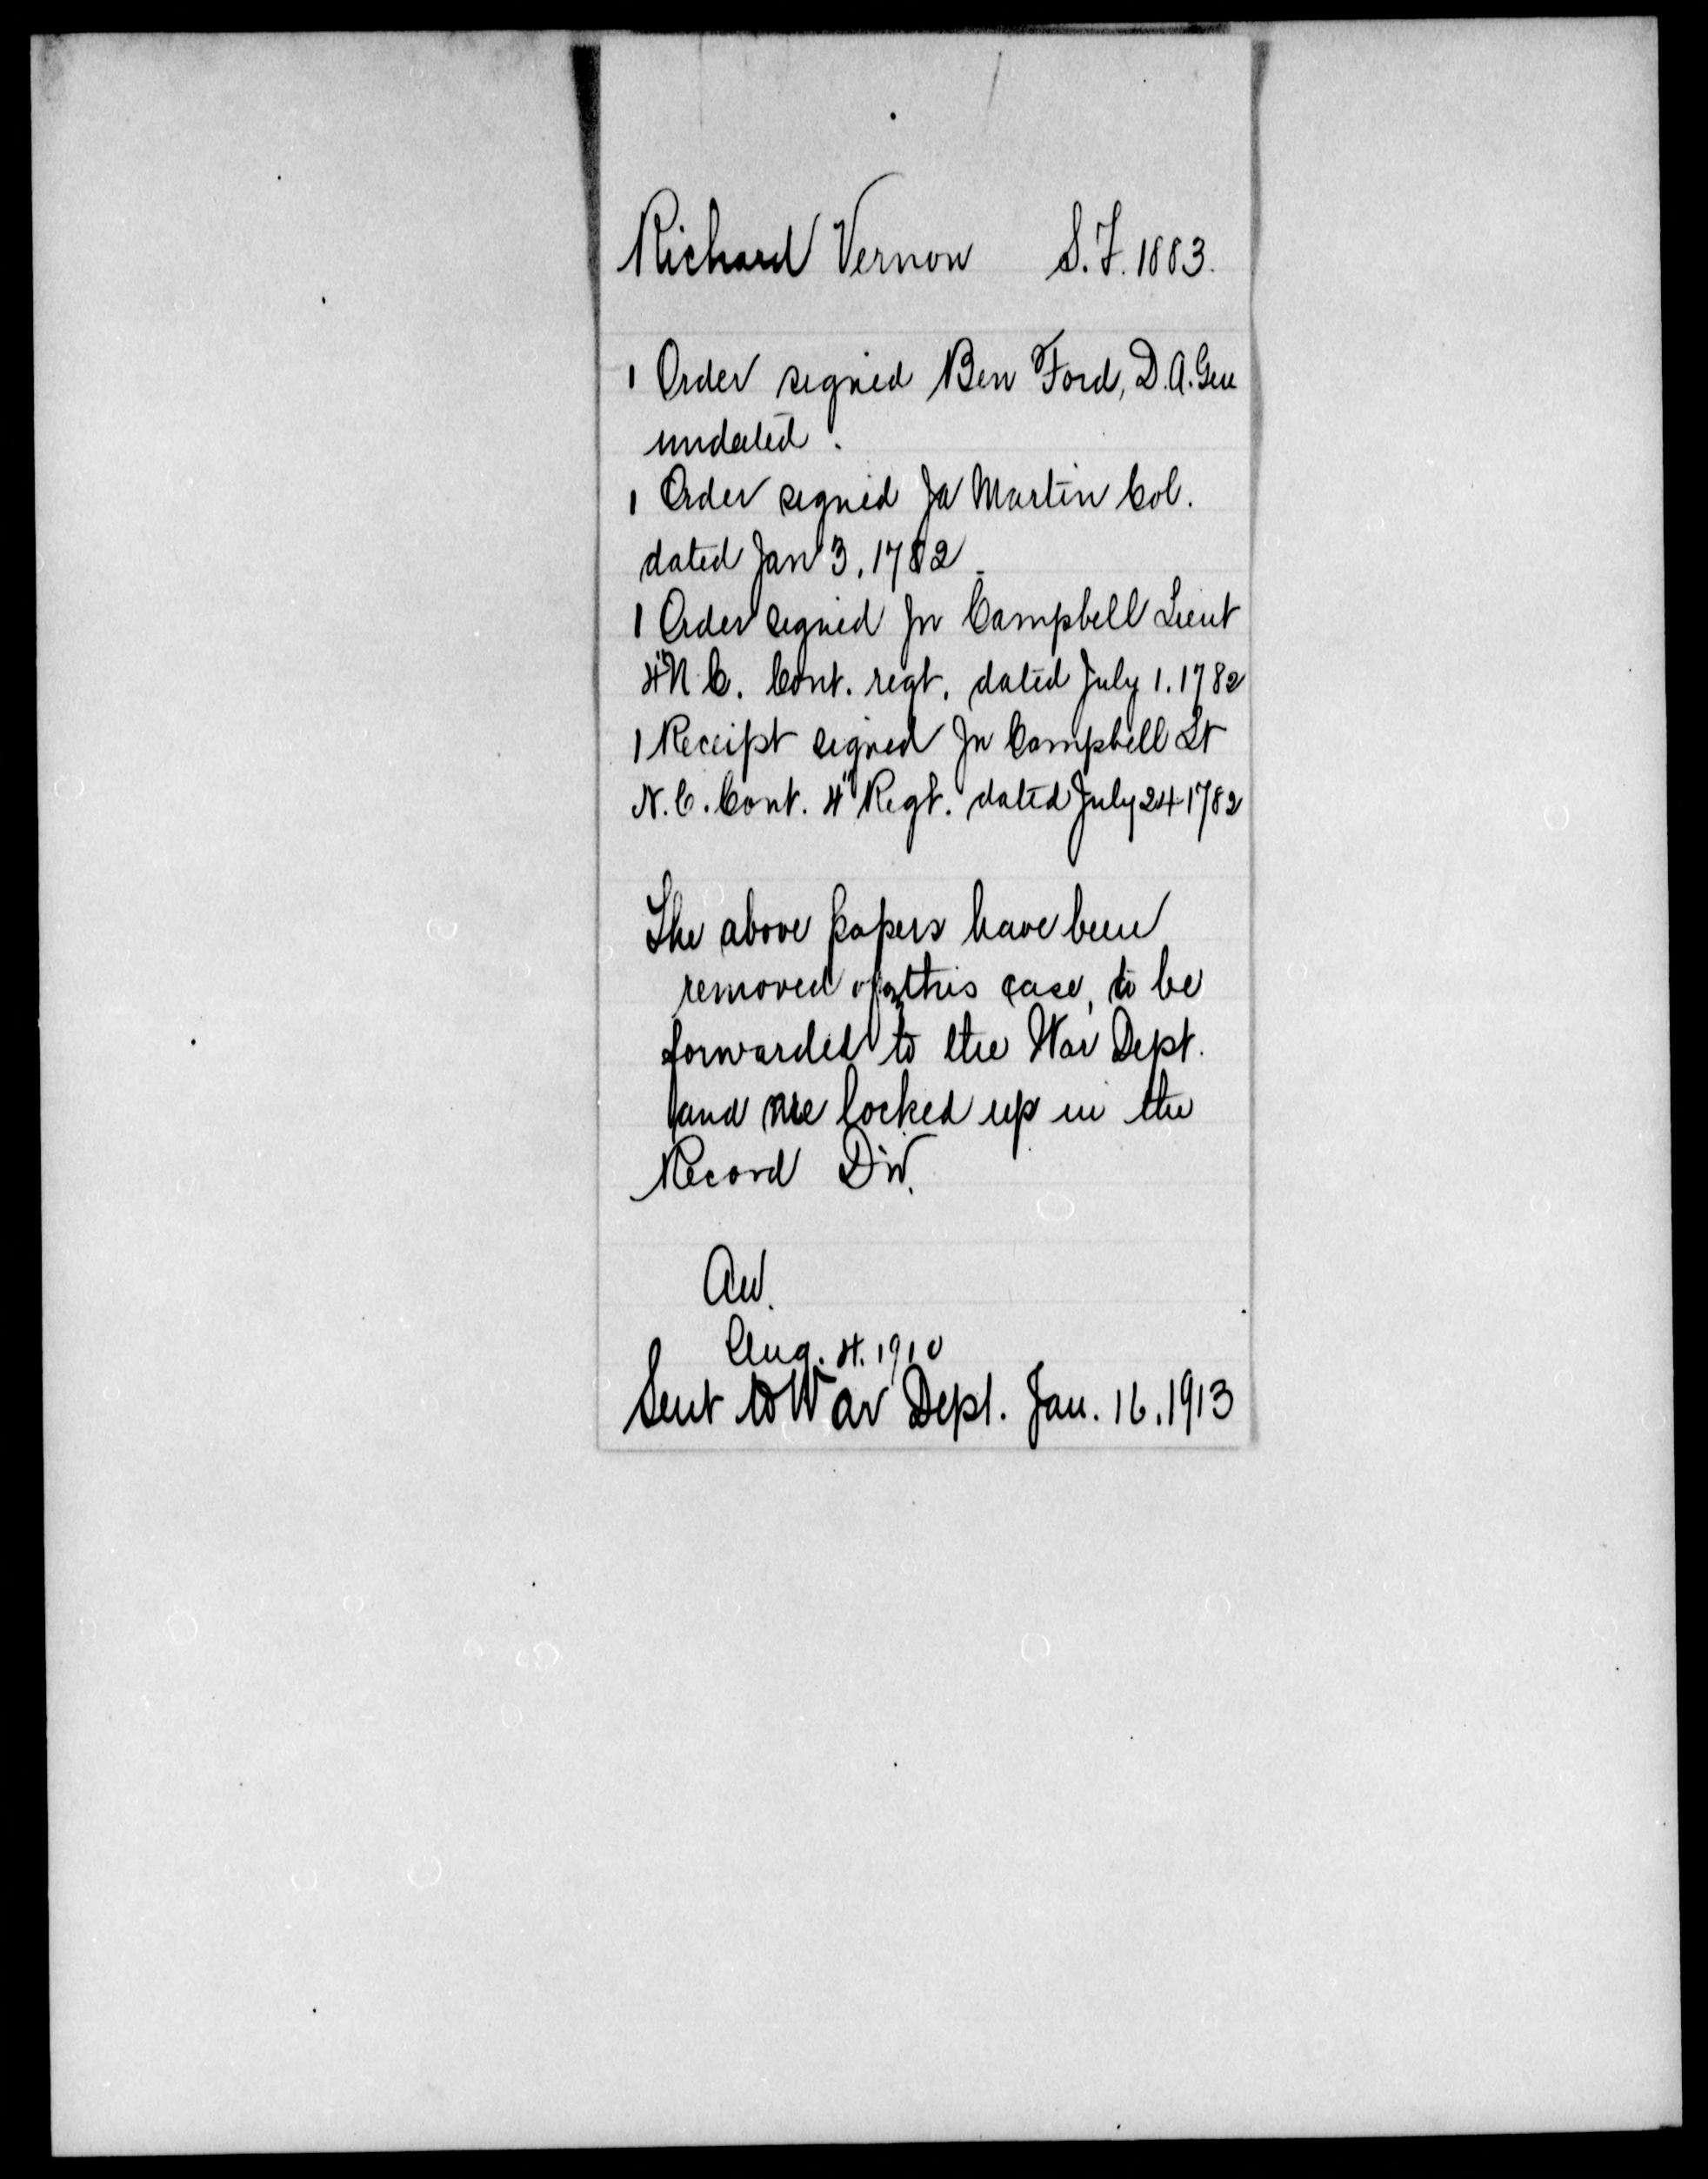Richard Vernon S.F.1883.

- Order signed Ben Ford, D.A. Gen undated.
- Order signed Ja Martin Col. dated Jan 3, 1782
- Order signed Jn Campbell Lieut N.C. Cont. regt, dated July 1, 1782
- Receipt signed Jn  Campbell Lt N.C. Cont. 4th Regt. dated July 24 1782

The above papers have been removed of this case, to be forwarded to the War Dept. and are locked up in the Record Div.

Aw.
Aug. 4. 1910
Sent to War Dept. Jan. 16. 1913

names: Campbell, Ja Martin, Ben Ford, Campbell, Richard Vernon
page: 17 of 105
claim: survivor's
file: S. 1883, Richard Vernon, N.C.